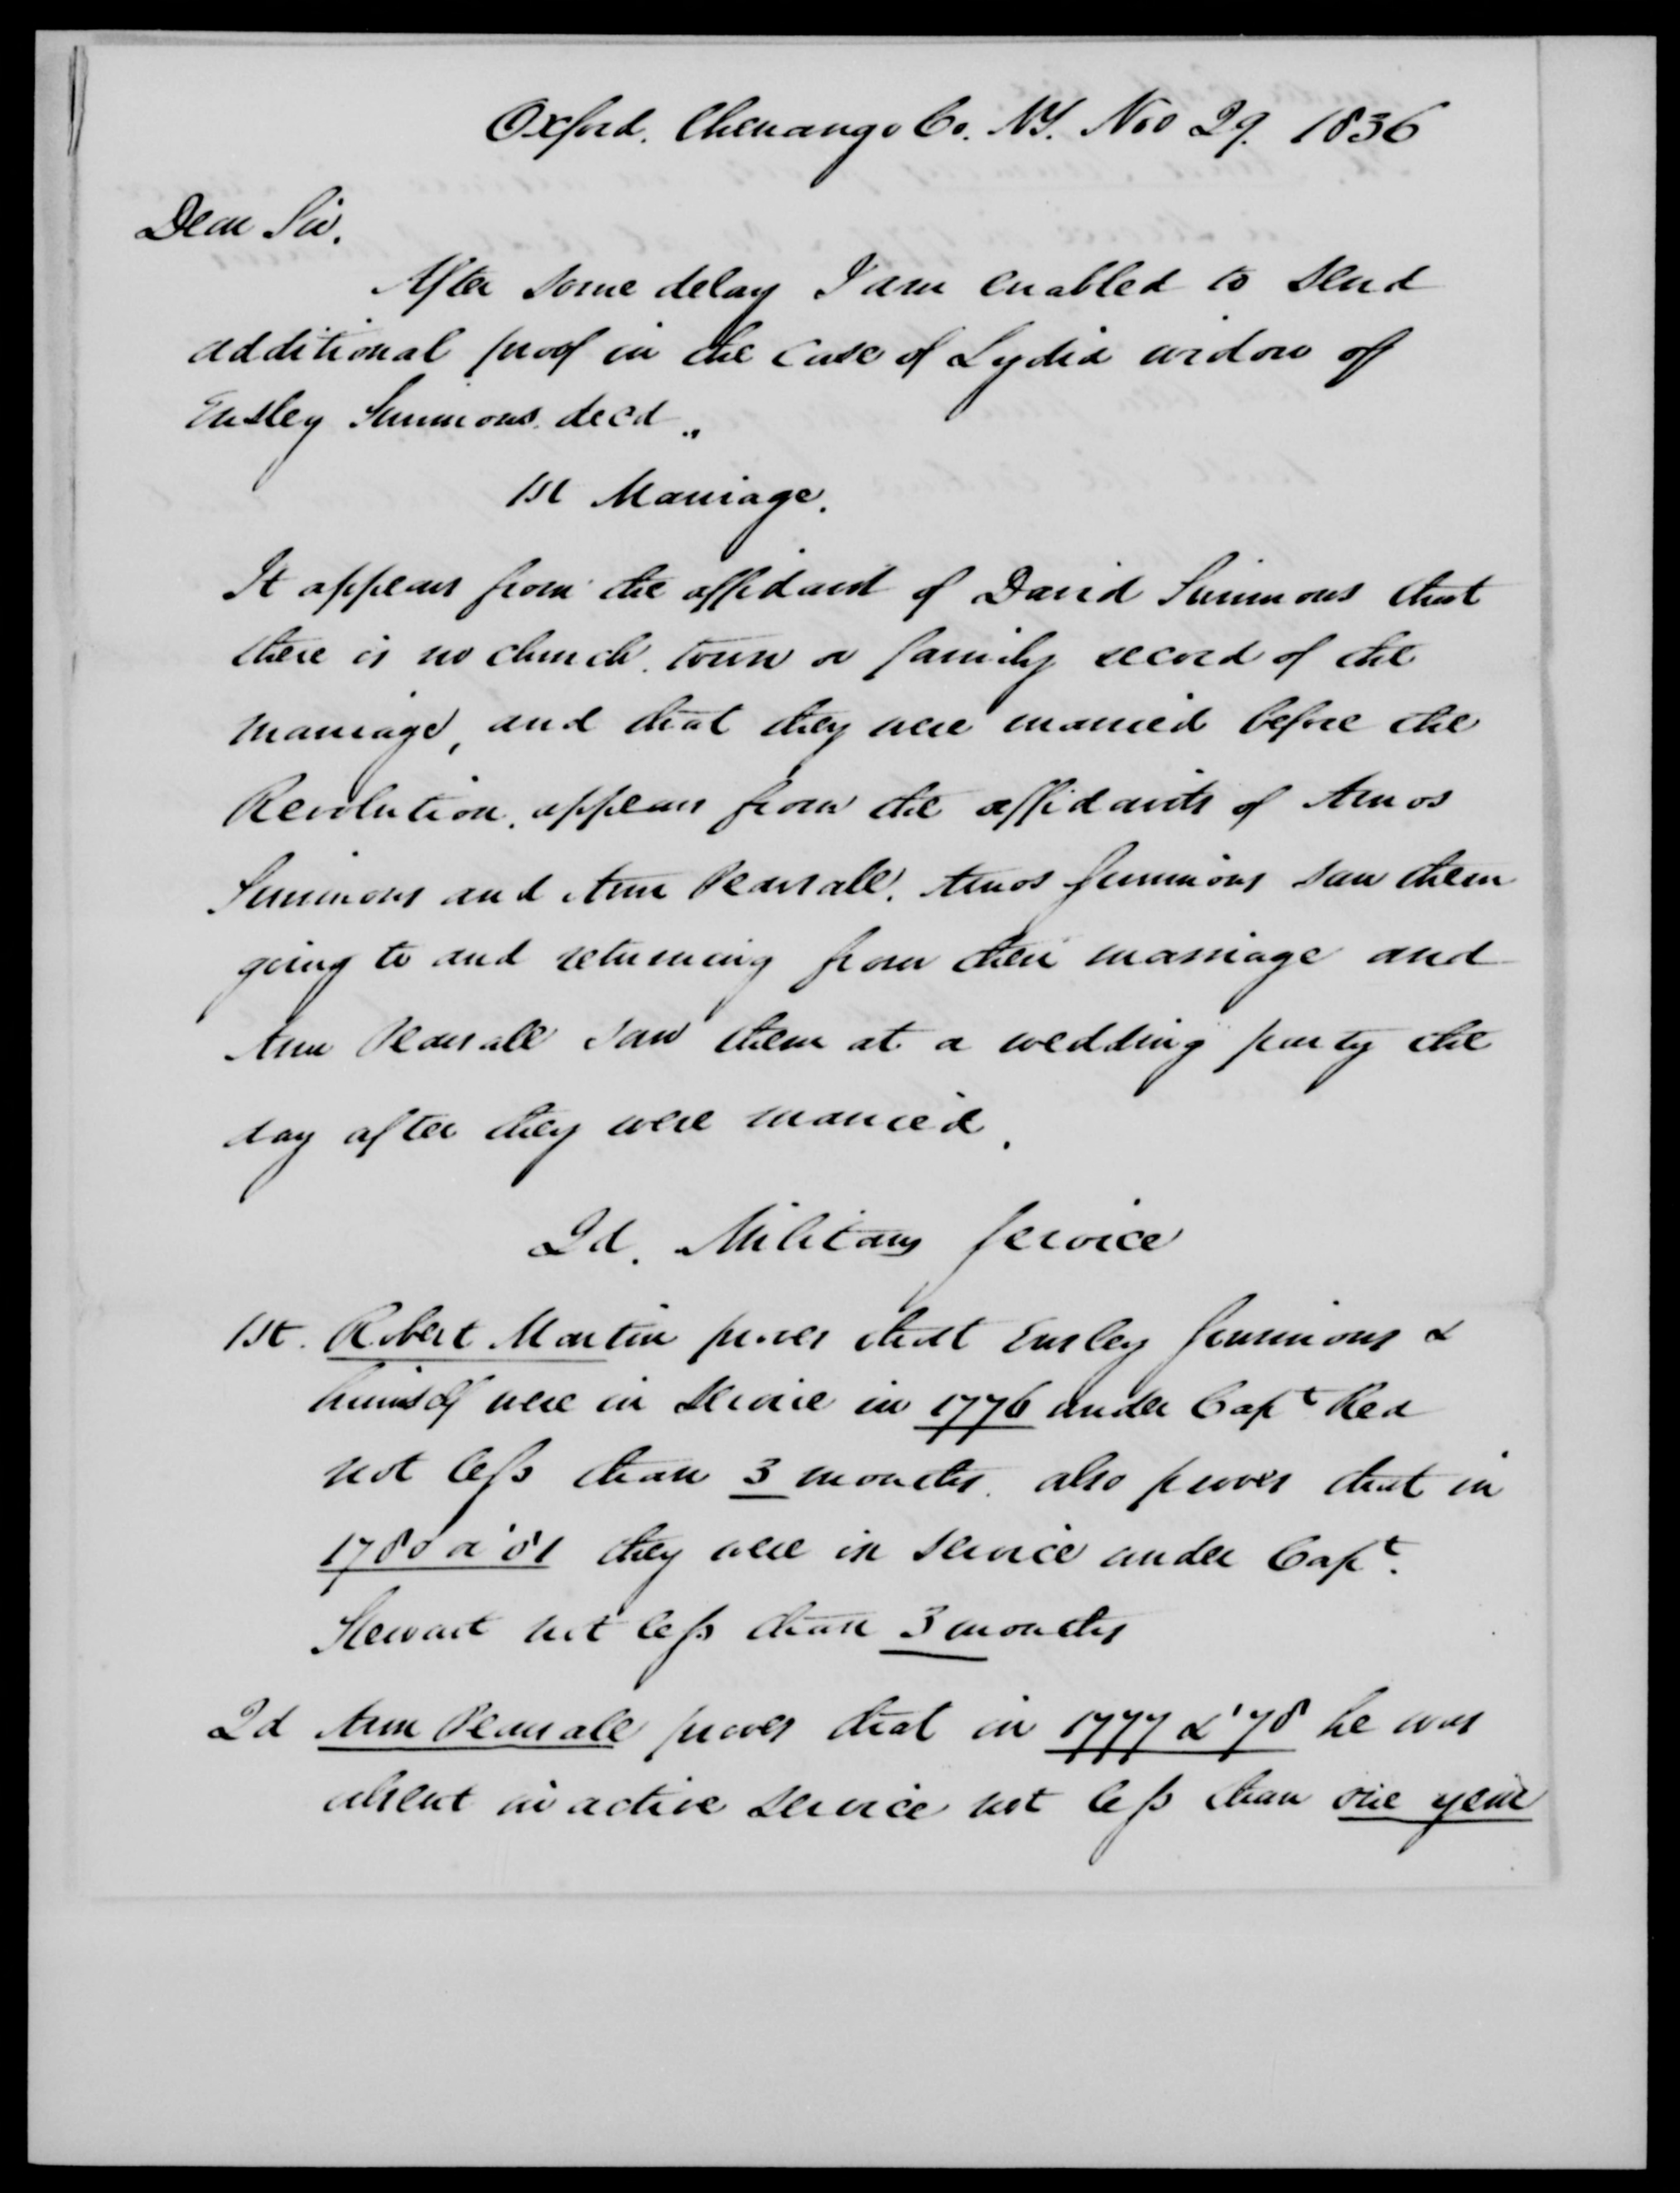Oxford, Chenango Co. NY. Nov 29. 1836
Dear Sir,
After some delay I am enabled to send additional proof in the case of Lydia widow of Ensley Simmons decd.
1st. Marriage
It appears from the affidavit of David Simmons that there is no church town or family record of the marriage, and that they were married before the Revolution, appears from the affidavits of Amos Simmons and Ann Pearsall, two Simmons saw them going to and returning from their marriage and Ann Pearsall saw them at a wedding party the day after they were married.

2d. Military Service
1st. Robert Martin proves that Ensley Simmons & himself were in service in 1776 under Capt. Red not less than 3 months. Also proves that in 1780  or '81 they were in service under Capt. Stewart not less than 3 months.
2d. Ann Pearsall proves that in 1777 &  '78 he was absent in active service not less than one year.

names: [BLANK] Red; Amos Simmons; Ensley Simmons; Amos Simmons; Lydia [BLANK]; David Simmons; Ann Pearsall; Robert Martin; [BLANK] Stewart; Ensley Simmons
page: 18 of 29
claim: widow's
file: W. 19,032, for Ensley Simmons, New York